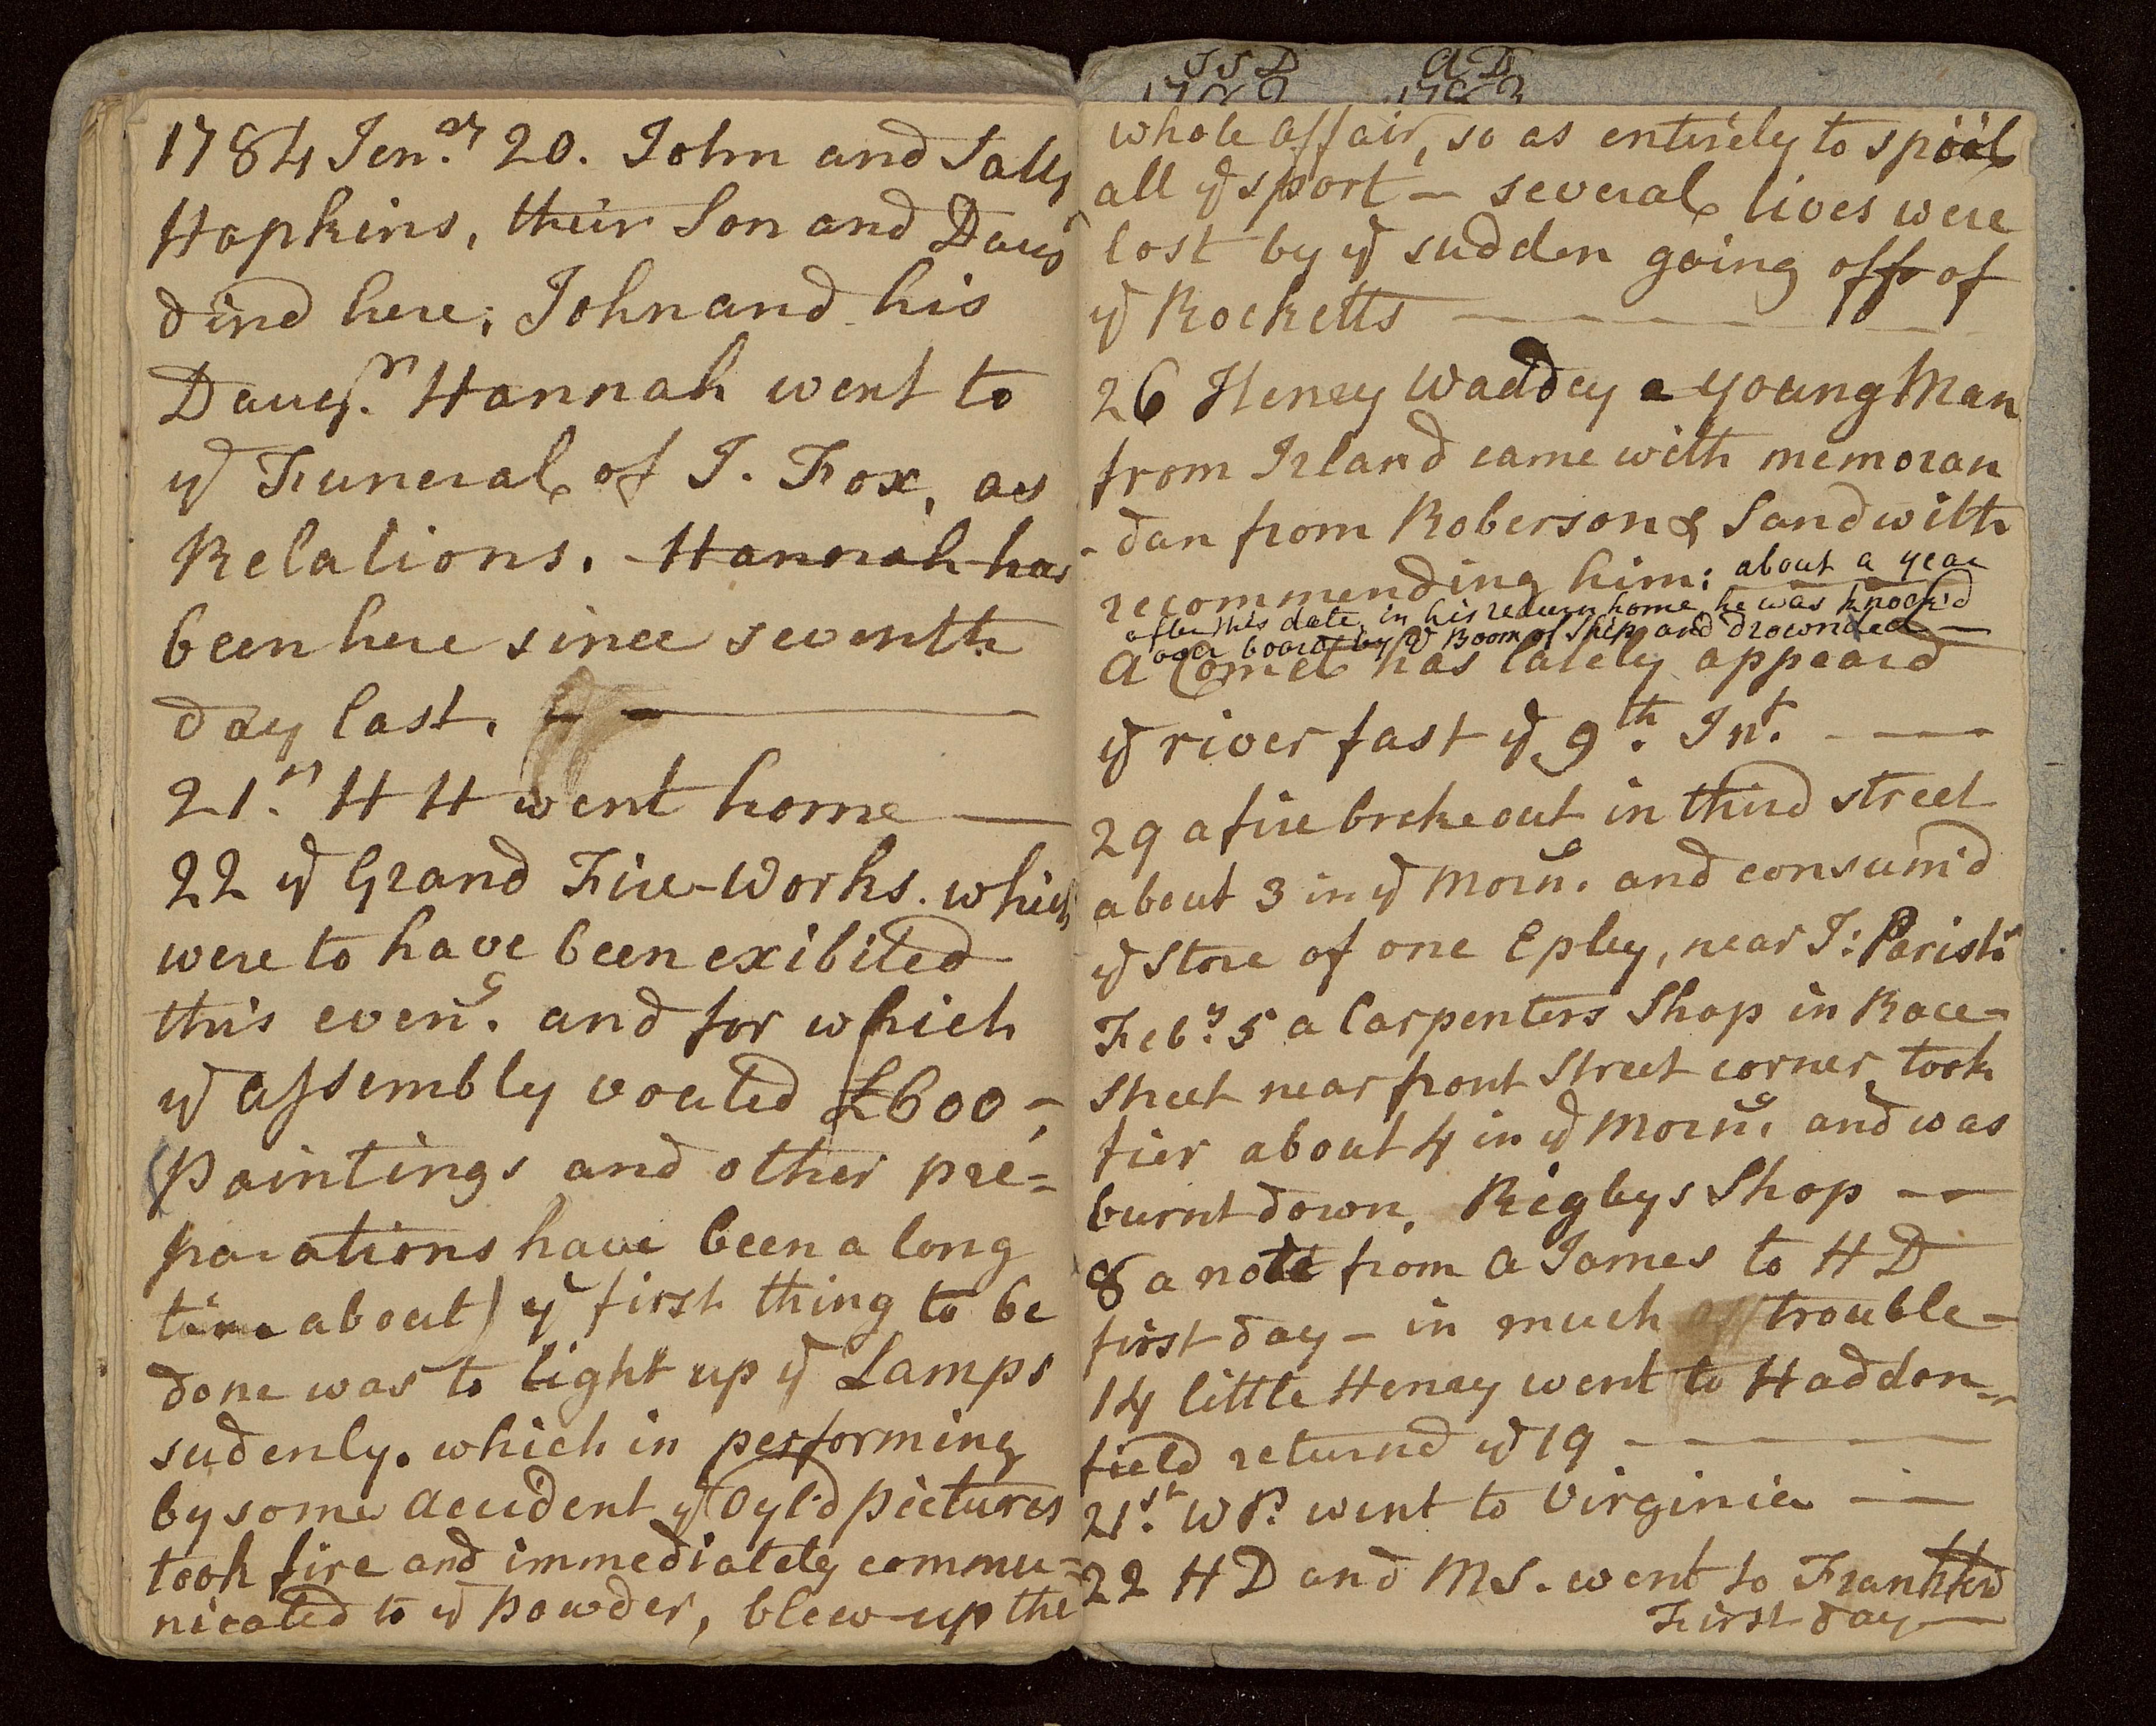1784 Jen^ry. 20. John and Sally
Hopkins, their Son and Daug^r
dind here; John and his
Daug^r. Hannah went to
y^e Funeral of J. Fox, as
Relations. Hannah has
been here since seventh
day last,--
21^sts HH went home-
22 y^e Grand Fire-Works. which
were to have been exibited
this even^g. and for which
y^e assembly vouted £600-
(Paintings and other pre-
parations have been a long
time about) y^e first thing to be
done was to light up y^e Lamps
sudenly. which in performing
by some accident y^e Oyl'd pictures
took fire and immediately commu-
nicated to y^e powder, blew up the
whole affair, so as entirely to spoil
all y^e sport- several lives were
lost by y^e sudden going off of
y^e Rocketts
26 Henry Waddey a young Man
from Irland came with memoran
-dan from Roberson & Sandwith
recommending him: about a year
after this date, in his return home he was knock'd
over board by y^e Boom of Ship and drownded-
A Comet has lately appeard
y^e river fast y^e 9^th. In^t--
29 a fire broke out in third street
about 3 in y^e morn and consum'd
y^e store of one Epley, near J: Parish^s
Feb^y. 5 a Carpenters Shop in Race-
Street near front street corner took
fier about 4 in y^e morn^g. and was
burnt down, Rigleys Shop-
8 a note from A James to HD
fiost day- in much [___] trouble-
14 little Henry went to Haddon-
field returnd y^e 19-
21^st. WP. went to Virginia -
12 HD and MS. went to Frankford
First day-